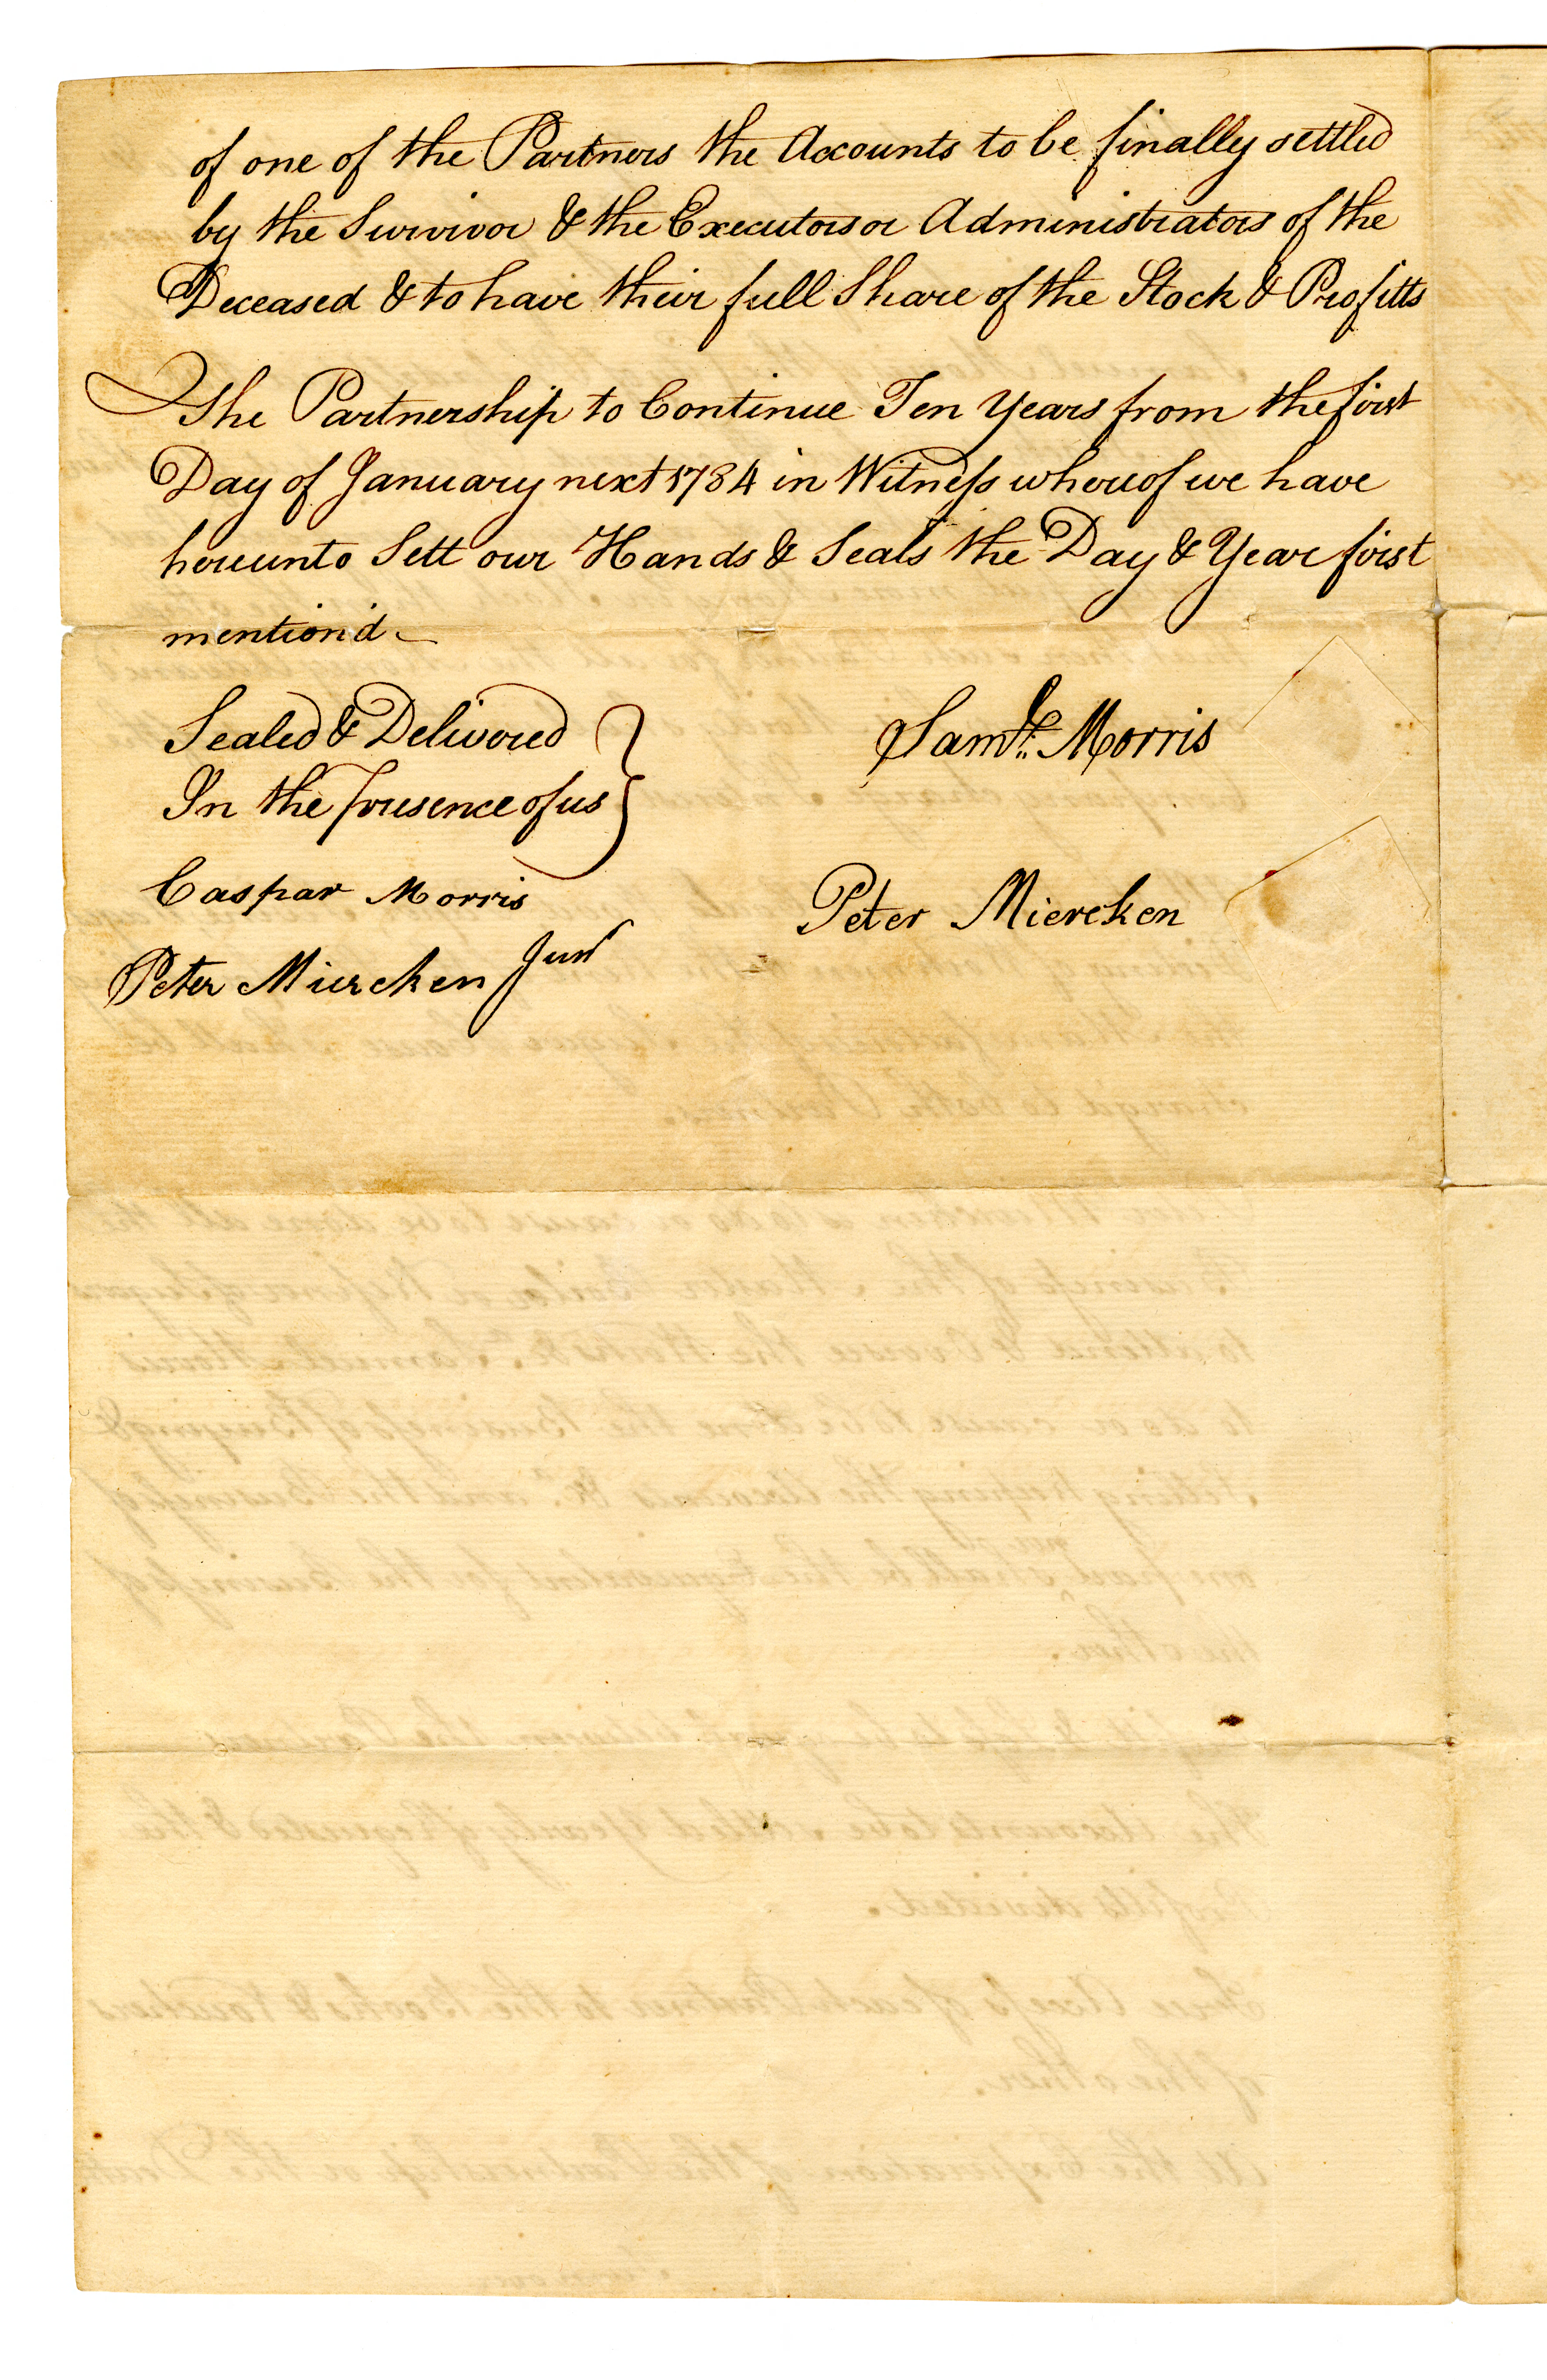of one of the Partners the Accounts to be finally settled
by the Survivor & the Executors or Administrators of the
Deceased & to have their full share of the Stock & Profitts
The Partnership to Continue Ten years from the first
Day of January next 1784 in Witness whereof we have
hereunto Sett our Hands & Seals the Day & Year first
mention'd-
Sealed & Delivered
Sam^l. Morris
In the presence of us
Caspar Morris
Peter Miercken
Jun^r
Peter Miercken